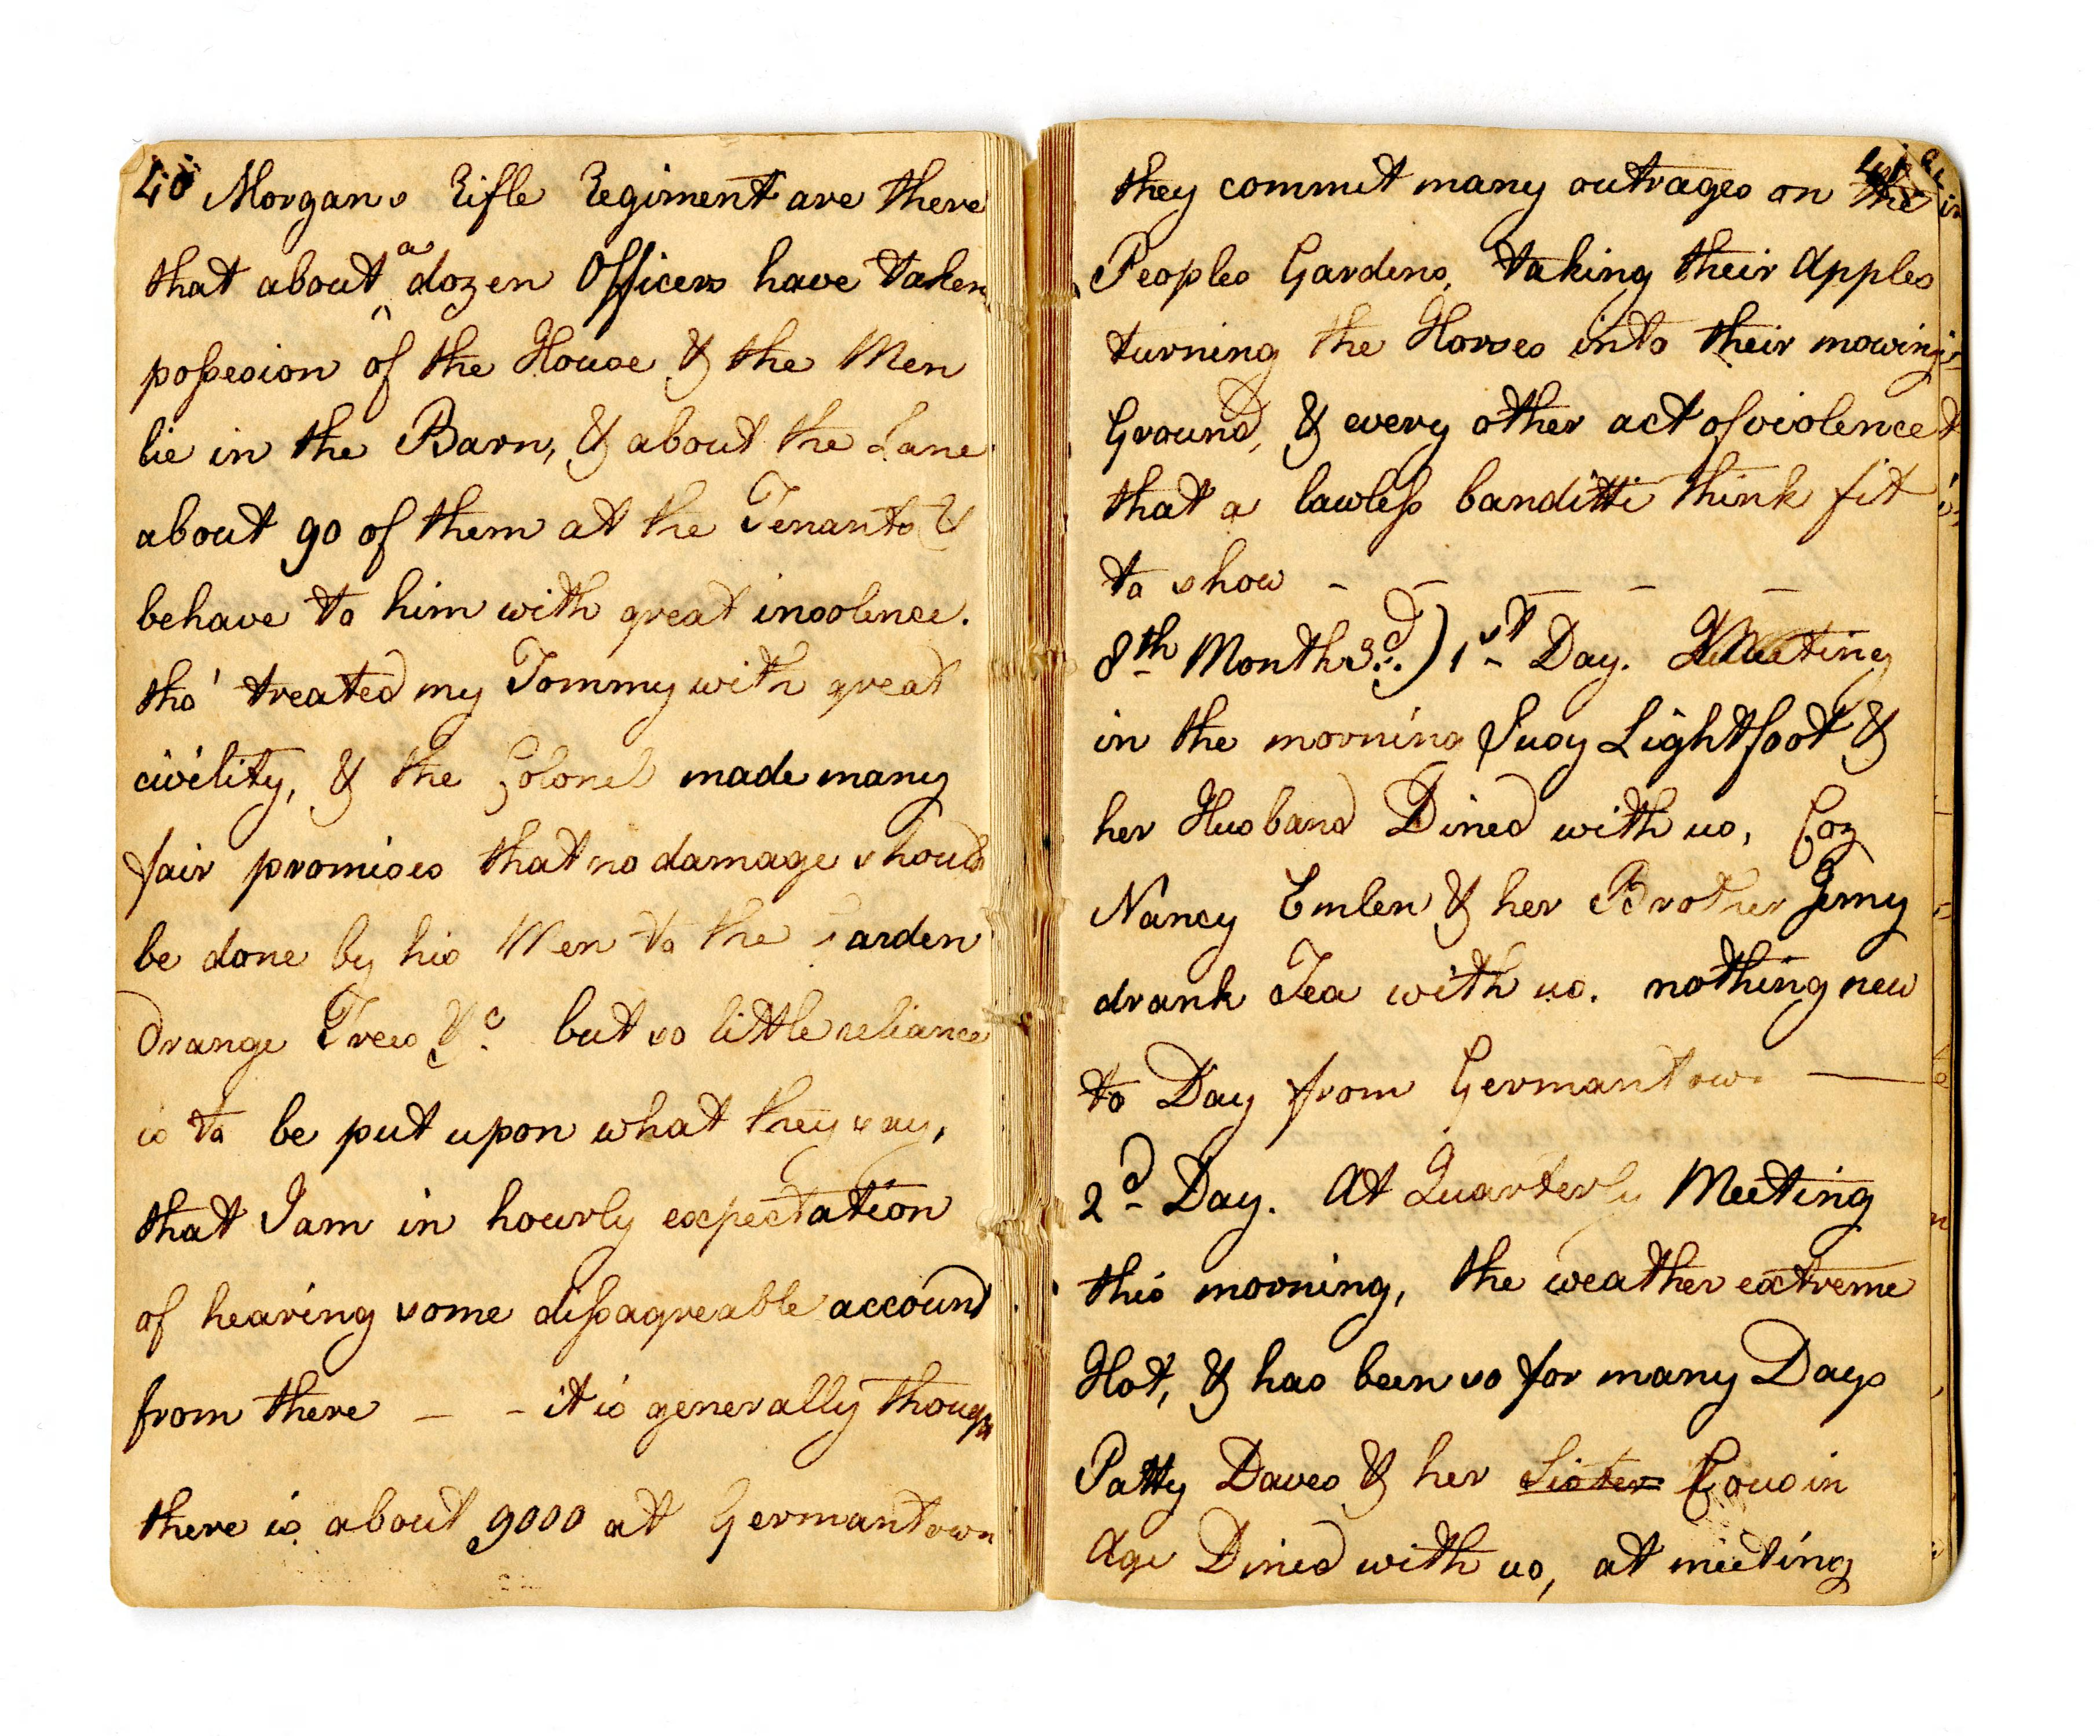Morgans rifle regiment are there
that about ^a dozen Officers have taken
possesion of the House & the Men
lie in the Barn, & about the Lane
about 90 of them at the Tenants &
behave to him with great insolence.
tho' treated my Tommy with great
civility, & the Colonel made many
fair promises that no damage should
be done by his Men to the Garden
orange Trees & ^c but so little reliance
is to be put upon what they say,
that I am in hourly expectation
of hearing some dissagreable account
from there-- it is generally thoug
there is about 9000 at Germantown
they commit many outrages on the
Peoples Gardens, taking their Apples
turning the Horses into their mowing
Ground, & every other act of violence
that a lawless banditti think fit
to show-
8^th Month 3^d ) 1^st Day. Meeting
in the morning Susy Lightfoot &
her Husband Dined with us, Coz
Nancy Emlen & her Brother Jemy
drank Tea with us. nothing new
to Day from Germantown-
2^d Day. At Quarterly Meeting
this morning, the weather extreme
Hot, & has been for many Days
Patty Daves & her [Sister] Cousin
Age Dined with us, at meeting